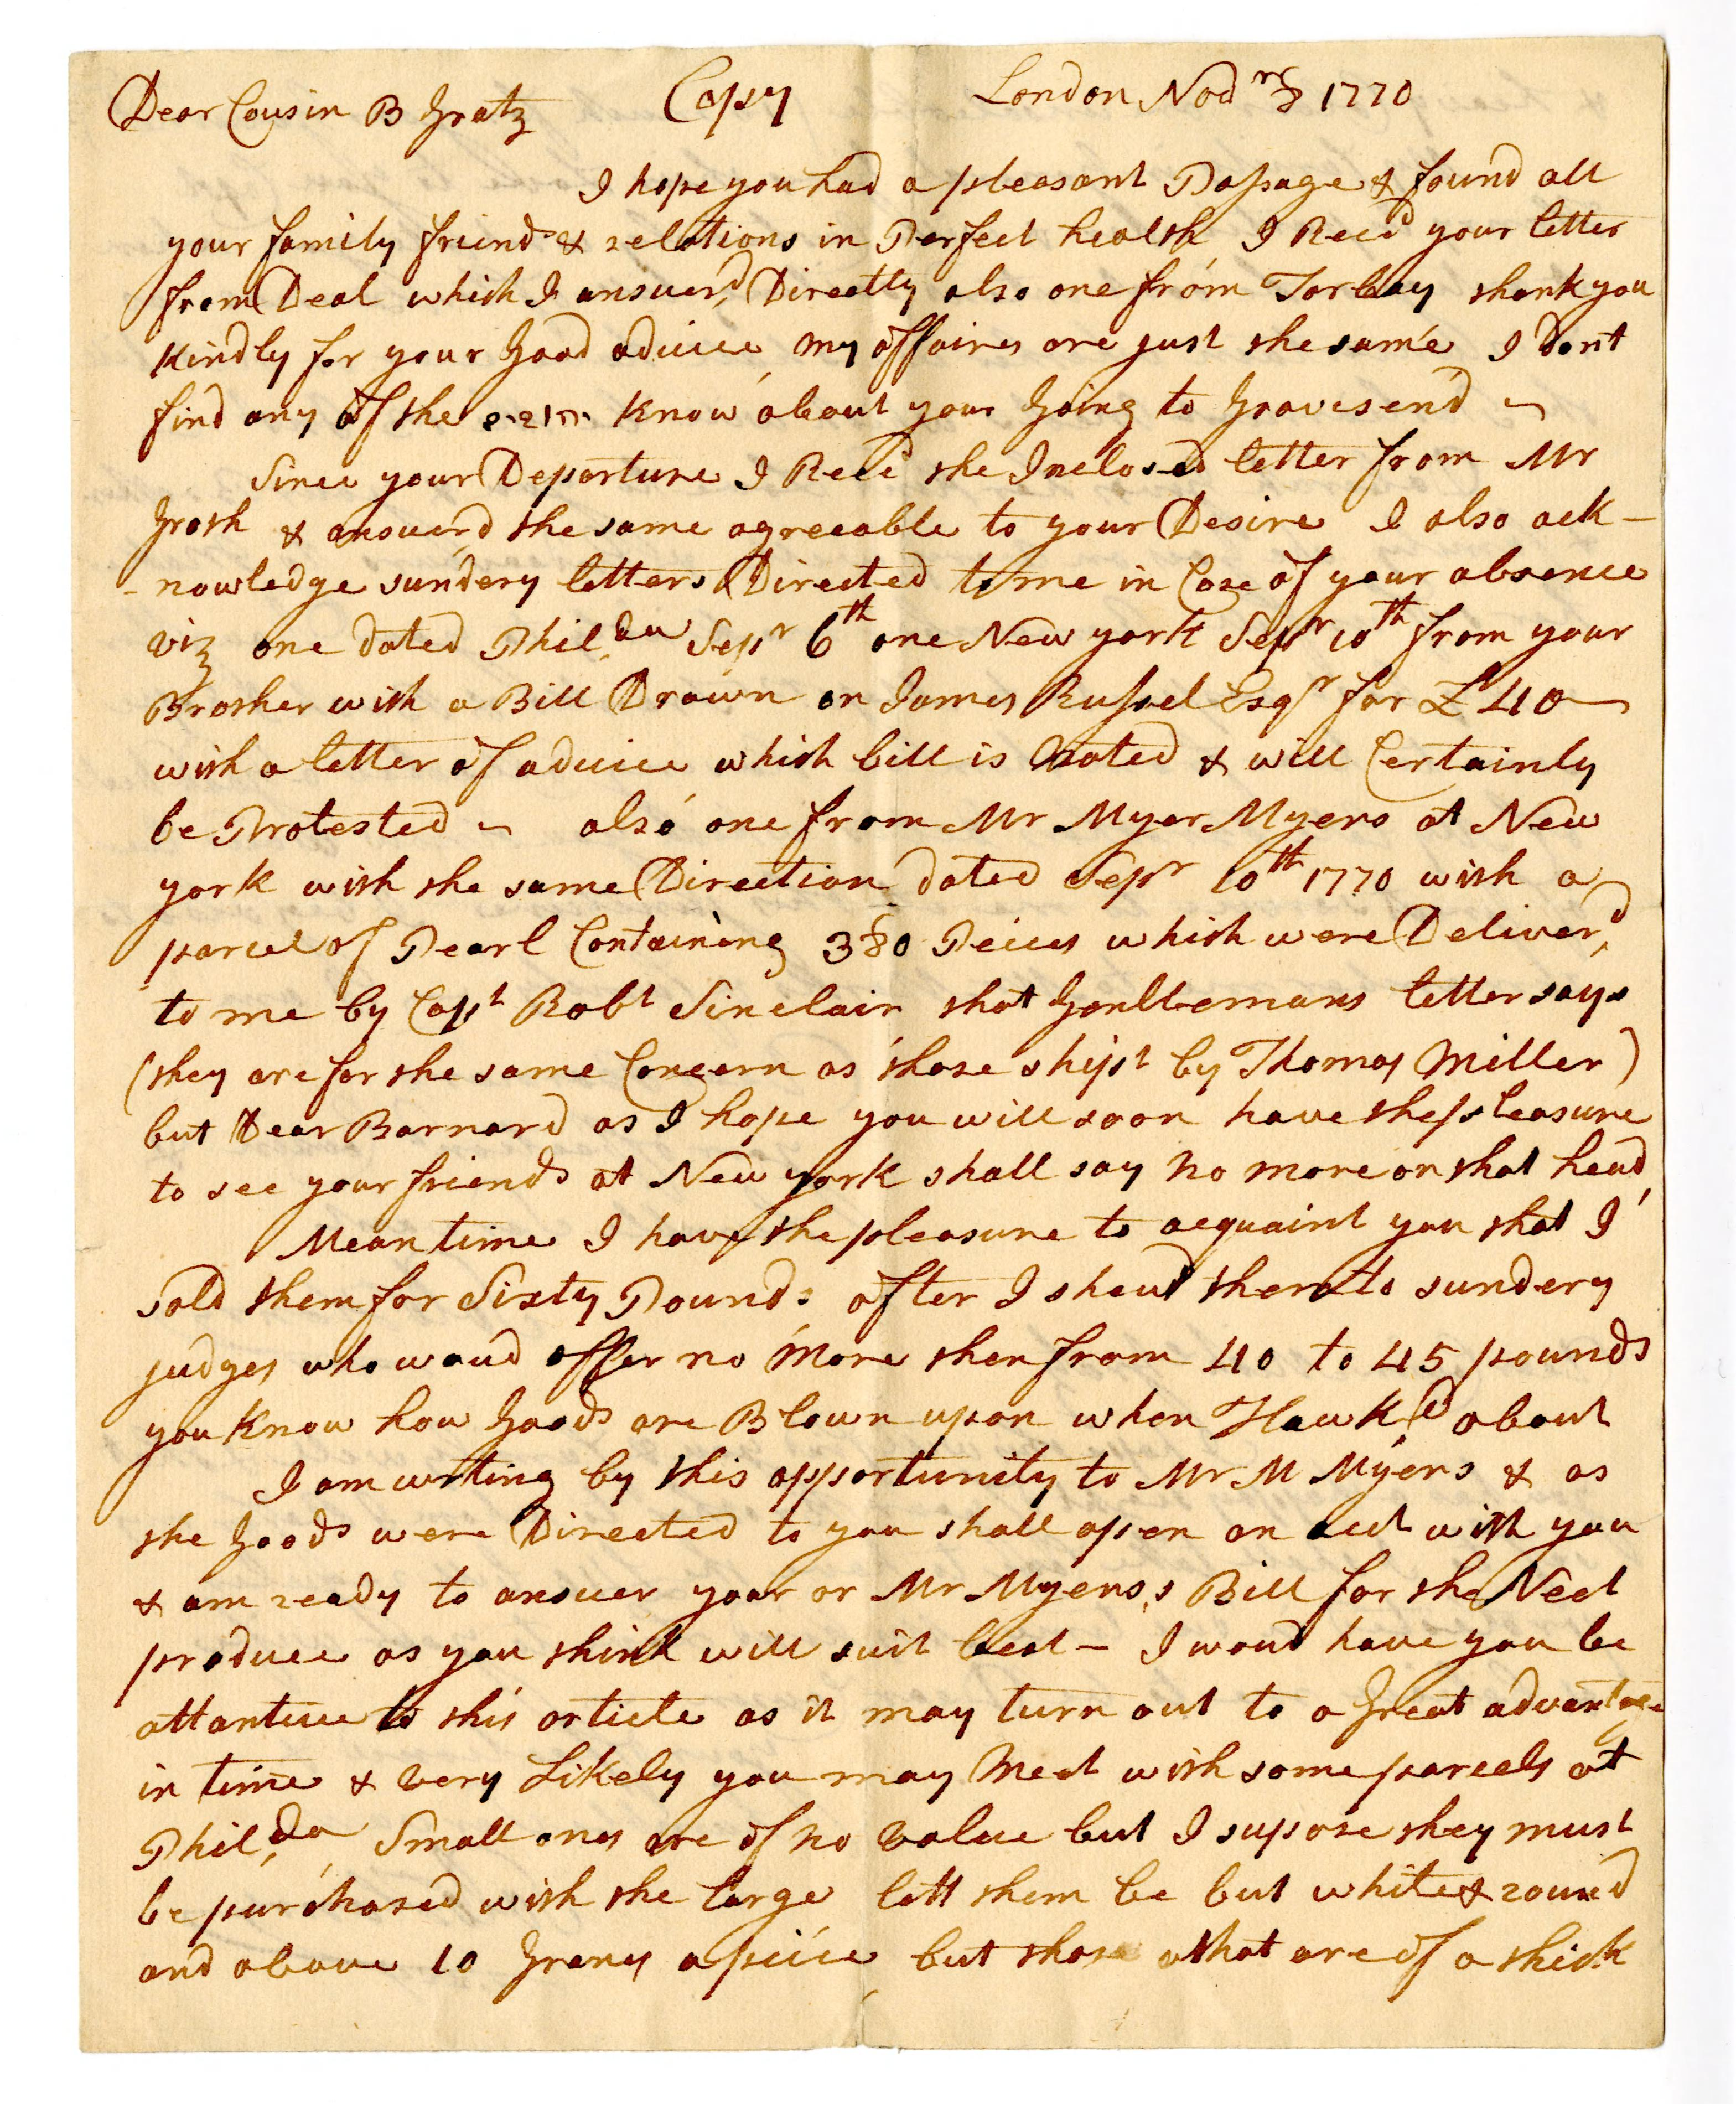London Nov^r 8 1770
Copy
Dear Cousin B Gratz
I hope you had a pleasant passage & found all
your family friend & relations in perfect health I Need your letter
from Deal which I answer^d Directly also one from Torlay thank you
kindly for your Good advice my affaires are just the same I dont
find any of the [_____] know about your Going to Gravesend-
Since your Departure I Rece^d the Inclosed letter from Mr.
Groth & answer'd the same agreeable to your Desire I also ack-
-nowledge sundery letters Directed to me in Care of your absence
viz one dated Phil^a Sep^r 6^th. one New York Sep^r 10^th from your
Brother with a Bill Drawn on James Russel Esq^r for £40-
wish a letter of advice which bill is Dated & will Certainly
be protested- also one from M^r Myer Myers at New
York with the same Direction dated Sep^r 10^th 1770 with a
parcel of Pearl Containing 380 Pieces which were Deliver^d
to me by Cap^t. Rob^t Sinclair that Gentlemans letter says
(they are for the same Concern as those ship't by Thomas Miller)
but Dear Barnard as I hope you will soon have the pleasure
to see your friends at New York shall say no more on that head,
Meantime I have the pleasure to acquaint you that I
sold them for Sixty Pounds after I shoud thereto sundery
judges who woud offer no more then from 40 to 45 pounds
you know how Goods are Blown upon when Hawk^d about
I am writing by this opportunity to M^r M Myers & as
the Goods were Directed to you shall offer an Acc^t with you
& am ready to answer your or Mr Myers's Bill for the Next
produce as you think will suit best- I woud have you be
attantive to this article as it may turn out to a great adventage
in time & very Likely you may meet with some parcels at
phil^da Small ones are of no value but I suppose they must
be purchased with the large lett them be but white & sound
and above 10 Granes a piece but those othat are of a thick